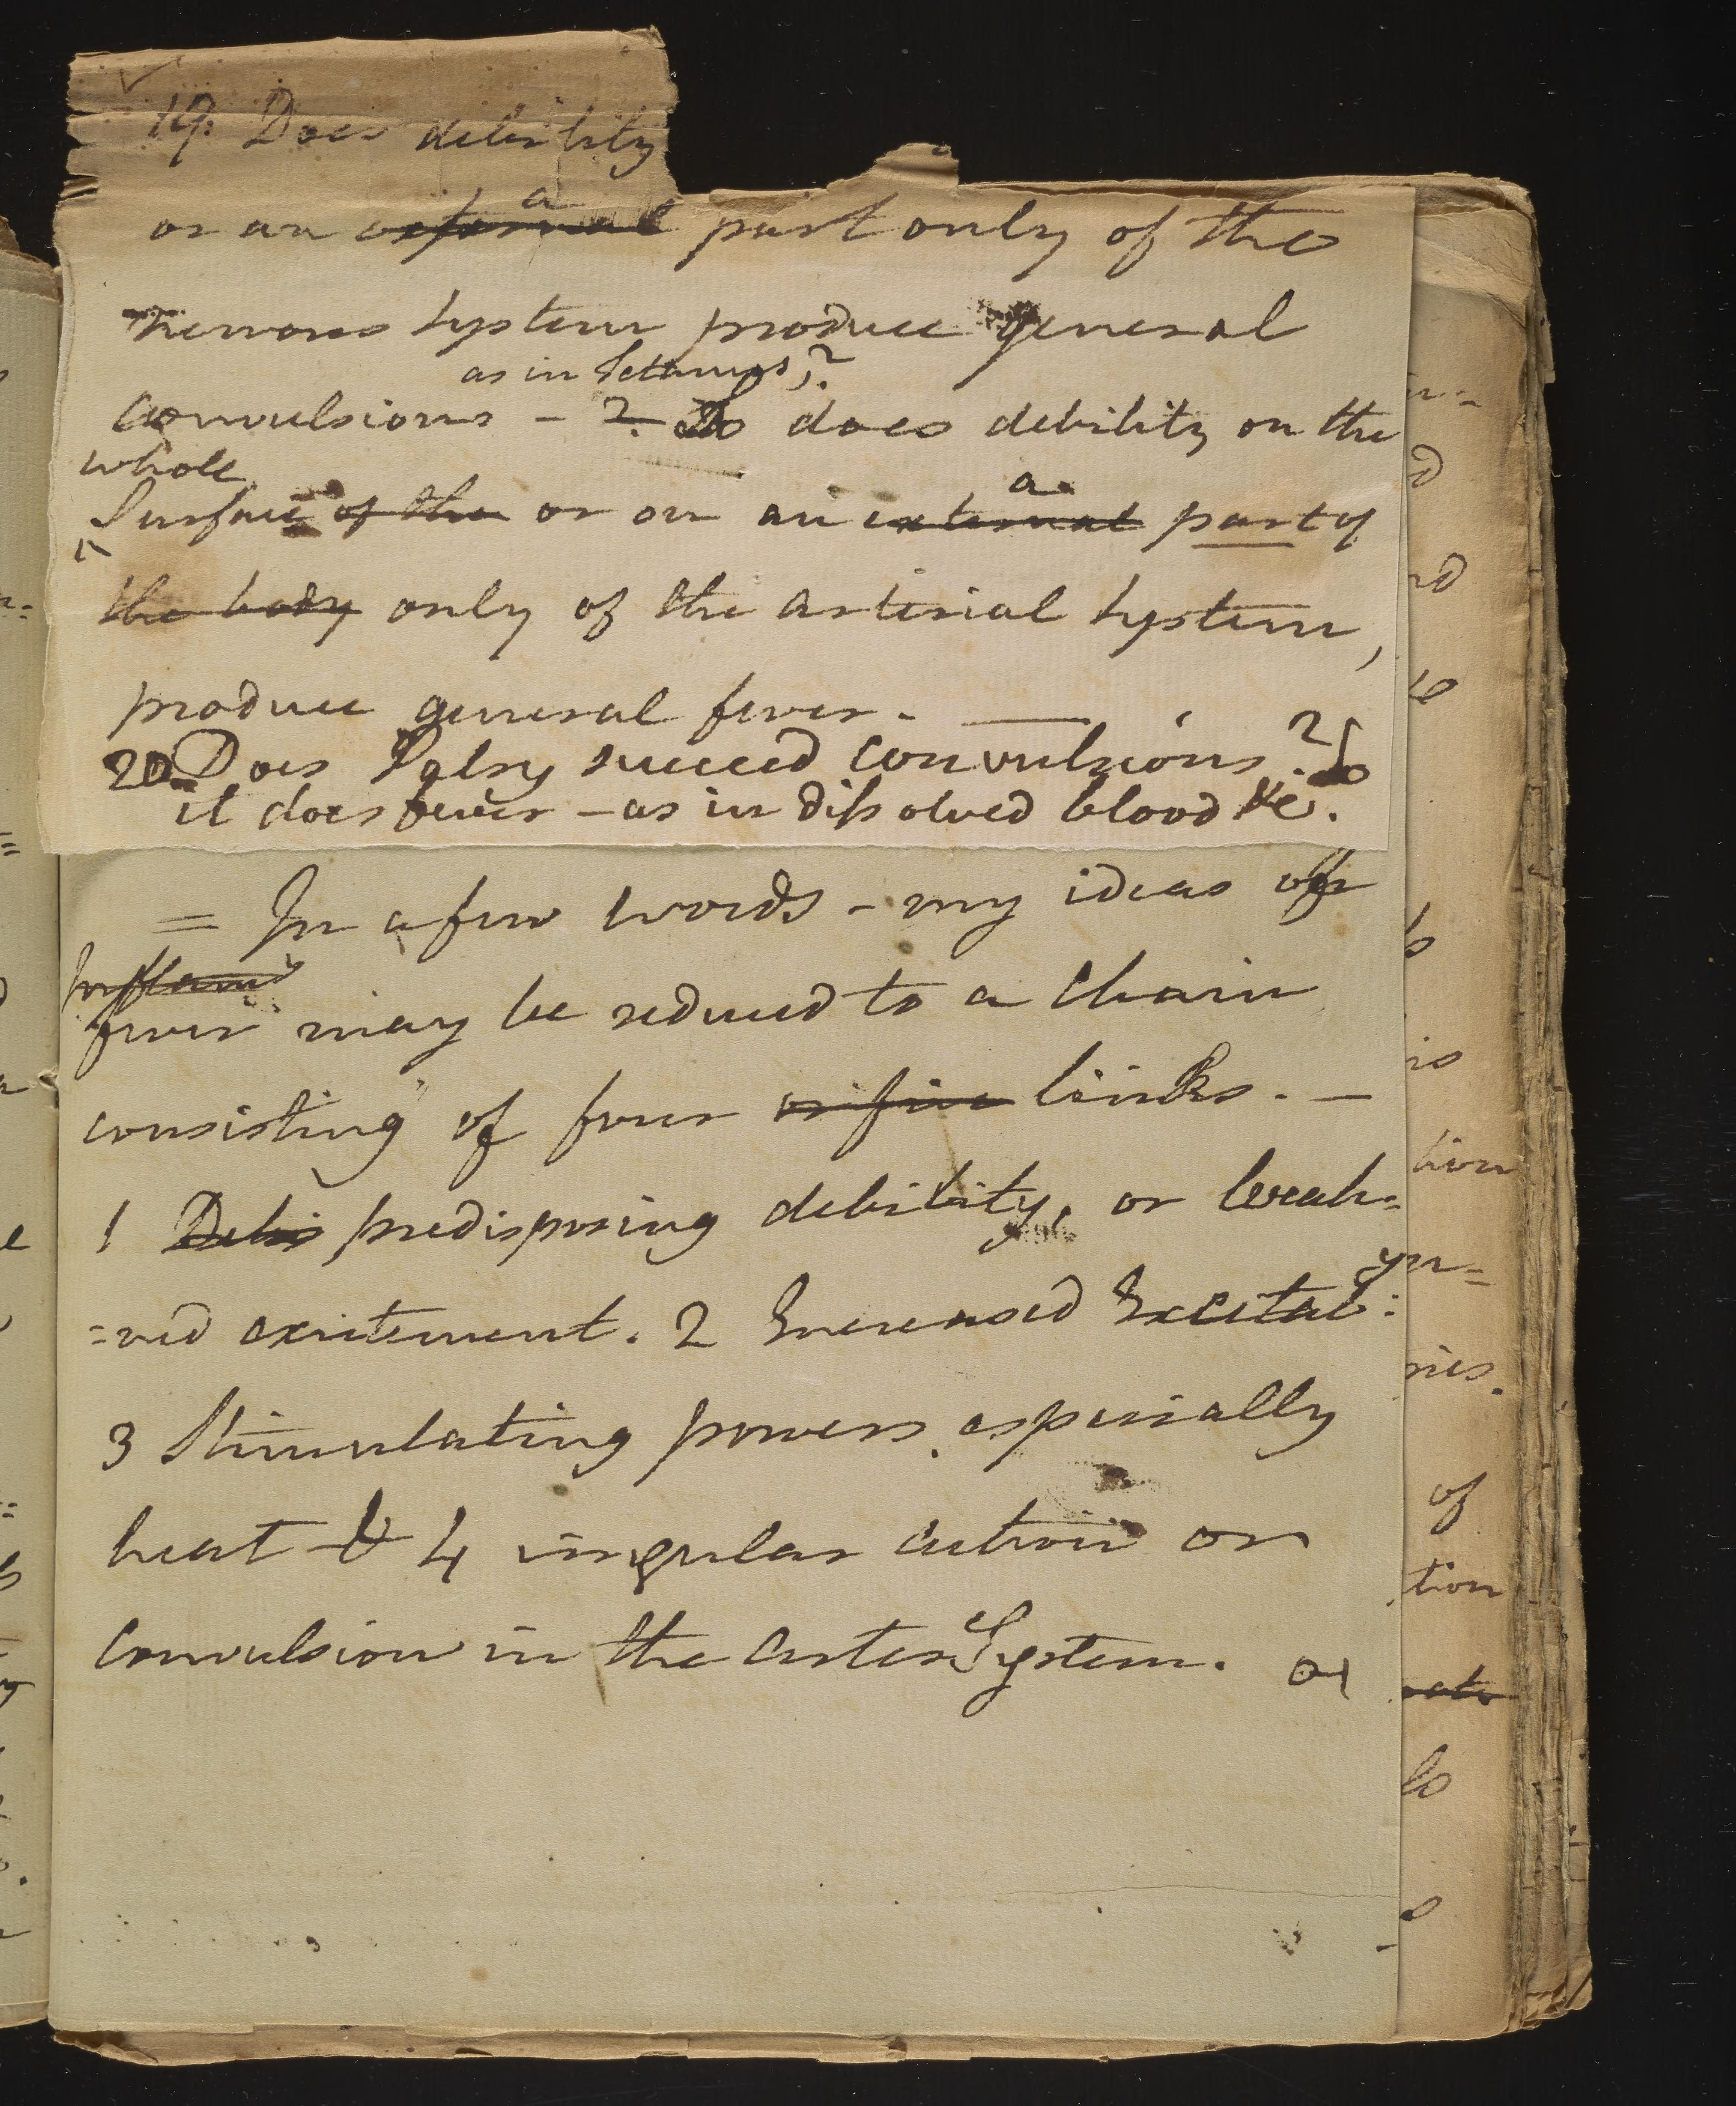19 Does debility
a
or an [external] part only of the
nervous sytem produce general
as in settings,
convulsions? So does debility on the
whole
a
Surface [of the] or on an [external] party
[the body] only of the arterial system
produce general fever
20. Does Palsy succeed convulsions?
it does fever- as in dissolved blood &c.
In a few words, my ideas of
[Inflamm^y]
fever may be reduced to a claim
consisting of fever [______] links.
1 [Debi] predisposing debility, or weak-
-ened excitement? Encreased excital^y
3 Stimulating powers, especially
heat & 4 irregular action on
convulsion in the arter^l system.